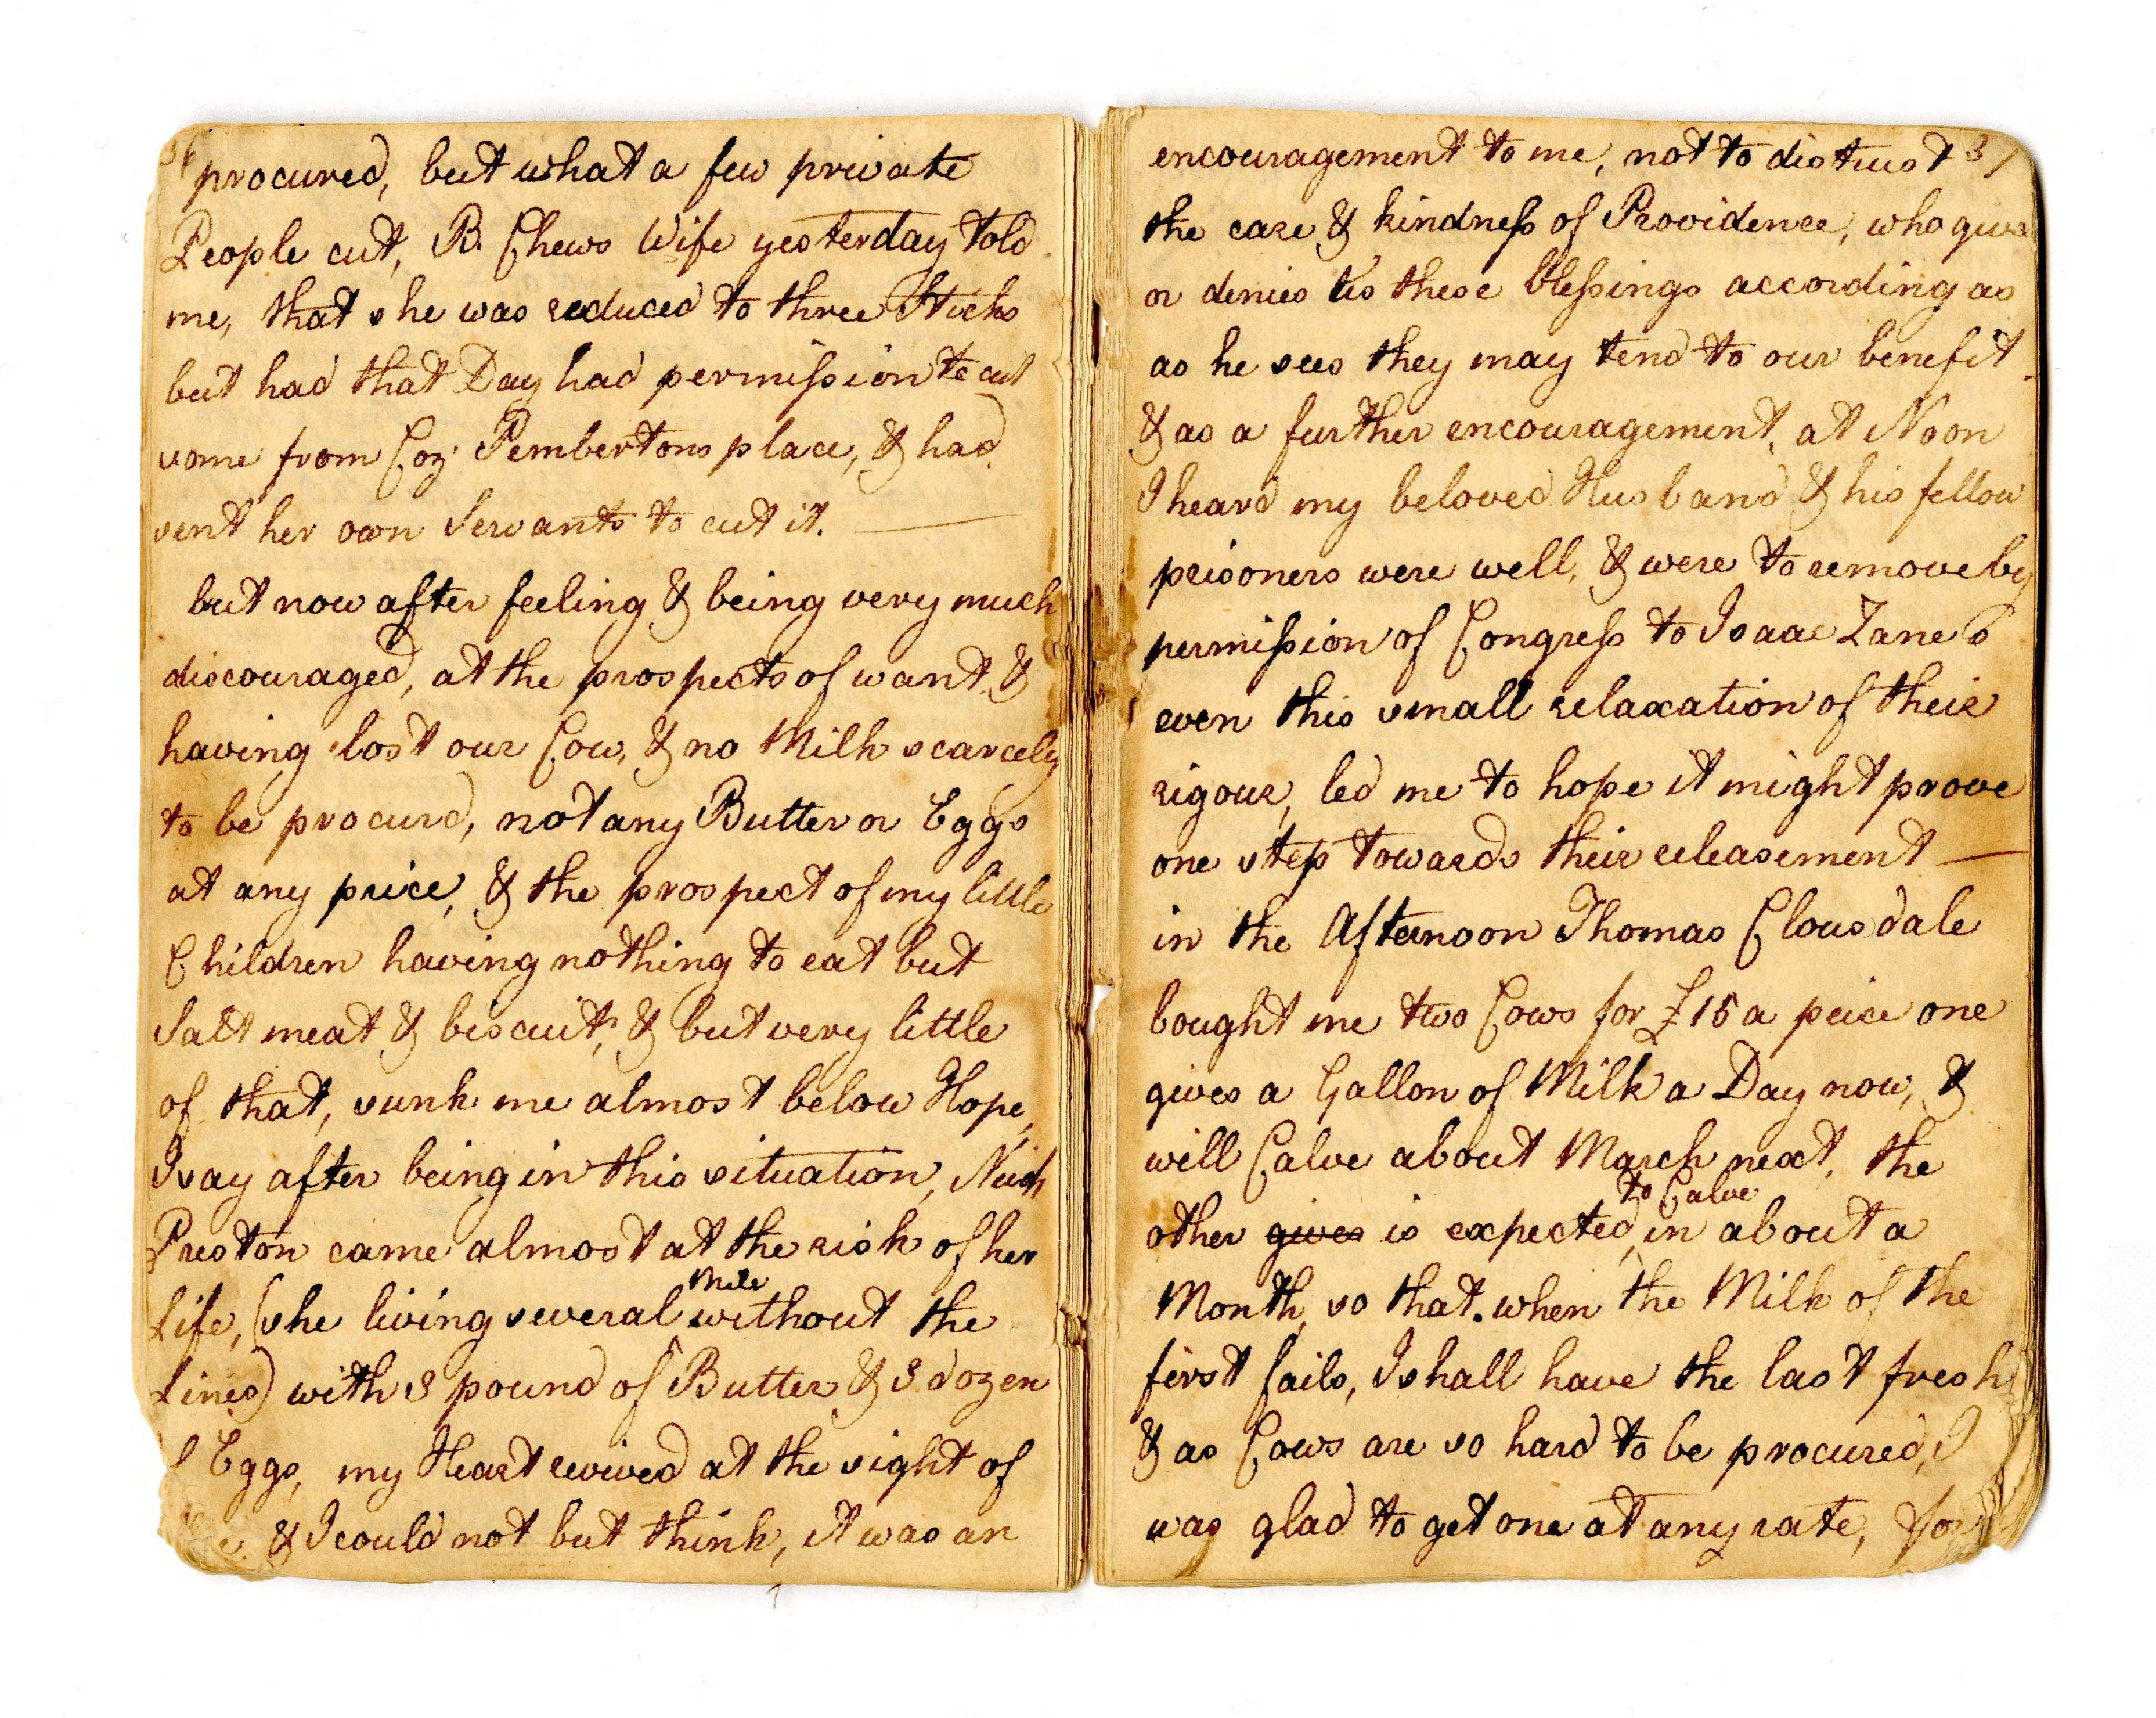36
procured, but what a few private
People cut, B Chews Wife yesterday told
me, that she was reduced to three Sticks
but had that Day had permission to cut
some from Coz Pembertons place, & had
sent her own Servants to cut it.
but now after feeling & being very much
discouraged, at the prospects of want &
having lost our Cow, & no Milk scarcely
to be procurd, not any Butter or Eggs
at any price & the prospect of my little
Children having nothing to eat but
Salt meat & biscuit, & but very little
of that, sunk me almost below Hope,
I say after being in this situation, Neigh
Preston came almost at the risk of her
Mile
Life, (she living several without the
Lines) with 3 pound of Butters & 3 dozen
Eggs, my Heart revived at the sight of
[__] & I could not but think, it was an
encouragement to me, not to distrust 37
the care & kindness of Providence, who give
or denies tis these blessings according as
as he sees they may tend to our benefit.
& as a further encouragement at Noon
I heard my beloved Husband & his fellow
peisoners were well, & were to remove by
permission of Congress to Isaac Zanes
even this small relaxation of their
rigour led me to hope it might prove
one step towards their releasement-
in the Afternoon Thomas Clousdale
bought me two Cows for £15 a peice one
gives a Gallon of Milk a Day now, &
will Calve about March next, the
to Calve
other gives is expected ^ in about a
Month so that when the Milk of the
first fails, I shall have the last fresh
& as Cows are so hard to be procured, I
way glad to get one at any rate, for